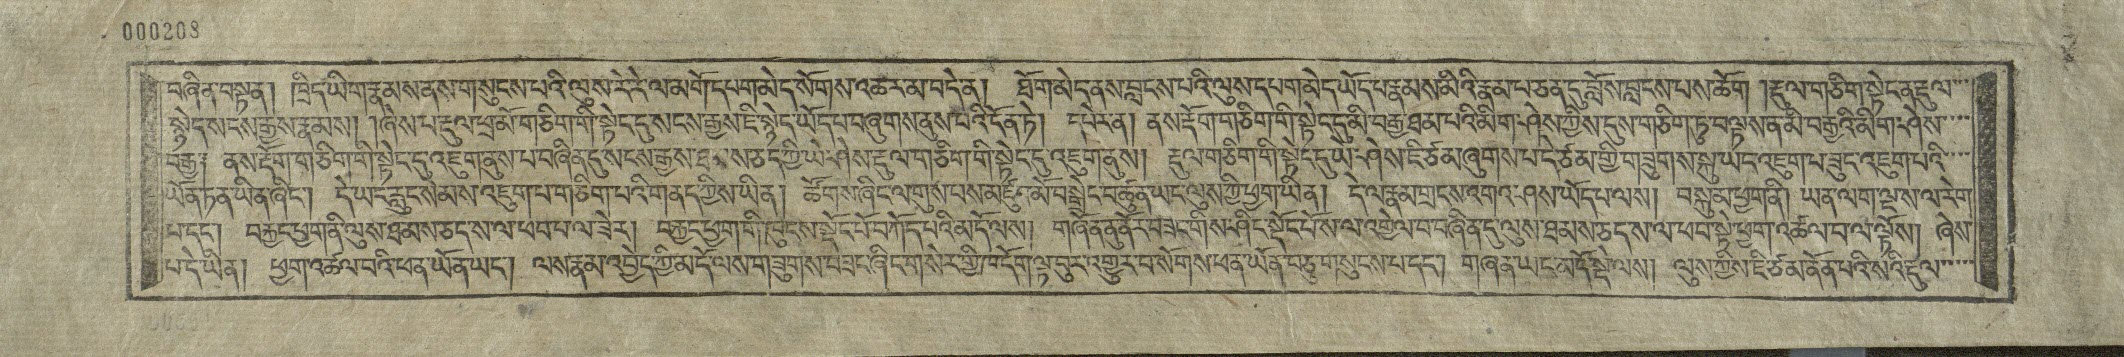བཞིན་བསྟན། ཁྲིད་ཡིག་རྣམས་ནས་གསུངས་པའི་ལུས་རེ་རེ་ལ་མགོ་དཔག་མེད་སོགས་འཆར་མ་བདེ་ན། ཐོག་མེད་ནས་བླངས་པའི་ལུས་དཔག་མེད་ཡོད་པ་རྣམས་མིའི་རྣམ་པ་ཅན་དུ་བློས་བླངས་པས་ཆོག །རྡུལ་གཅིག་སྟེང་ན་རྡུལ་
སྙེད་སངས་རྒྱས་རྣམས། །ཞེས་པ་རྡུལ་ཕྲ་མོ་གཅིག་གི་སྟེང་དུ་སངས་རྒྱས་ཇི་སྙེད་ཡོད་པ་བཞུགས་ནུས་པའི་དོན་ཏེ། དཔེར་ན། ནས་རྡོག་གཅིག་གི་སྟེང་དུ་མི་བརྒྱ་ཐམ་པའི་མིག་ཤེས་ཀྱིས་དུས་གཅིག་ཏུ་བལྟས་ན་མི་བརྒྱའི་མིག་ཤེས་
བརྒྱ༑ ནས་རྡོག་གཅིག་གི་སྟེང་དུ་འཇུག་ནུས་པ་བཞིན་དུ་སངས་རྒྱས་ཐམས་ཅད་ཀྱི་ཡེ་ཤེས་རྡུལ་གཅིག་གི་སྟེང་དུ་འཇུག་ནུས། རྡུལ་གཅིག་གི་སྟེང་དུ་ཡེ་ཤེས་ཇི་ཙམ་ཞུགས་པ་དེ་ཙམ་གྱི་གཟུགས་སྐུ་ཡང་འཇུག་པ་ཟུང་འཇུག་པའི་
ཡོན་ཏན་ཡིན་ཞིང་། དེ་ཡང་རླུང་སེམས་འཇུག་པ་གཅིག་པའི་གནད་ཀྱིས་ཡིན། ཚོགས་ཞིང་ལ་གུས་པས་མཛུབ་མོ་བསྒྲེང་བ་ཚུན་ཡང་ལུས་ཀྱི་ཕྱག་ཡིན། དེ་ལ་རྣམ་གྲངས་འགའ་ཤས་ཡོད་པ་ལས། བསྐུམ་ཕྱག་ནི། ཡན་ལག་ལྔ་ས་ལ་རེག་
པ་དང་། བརྐྱང་ཕྱག་ནི་ལུས་ཐམས་ཅད་ས་ལ་ཕབ་པ་ལ་ཟེར། བརྐྱང་ཕྱག་གི་ཁུངས་སྡོང་པོ་བཀོད་པའི་མདོ་ལས། གཞོན་ནུ་ནོར་བཟང་གིས་ཤིང་སྡོང་པོ་ས་ལ་འགྱེལ་བ་བཞིན་དུ་ལུས་ཐམས་ཅད་ས་ལ་ཕབ་སྟེ་ཕྱག་འཚལ་བ་ལ་ལྟོས། ཞེས་
པ་དེ་ཡིན། ཕྱག་འཚལ་བའི་ཕན་ཡོན་ཡང་། ལས་རྣམ་འབྱེད་ཀྱི་མདོ་ལས་གཟུགས་བཟང་ཞིང་གསེར་གྱི་ཁ་དོག་ལྟ་བུར་འགྱུར་བ་སོགས་ཕན་ཡོན་བཅུ་གསུངས་པ་དང་། གཞན་ཡང་མདོ་སྡེ་ལས། ལུས་ཀྱིས་ཇི་ཙམ་ནོན་པའི་སའི་རྡུལ་